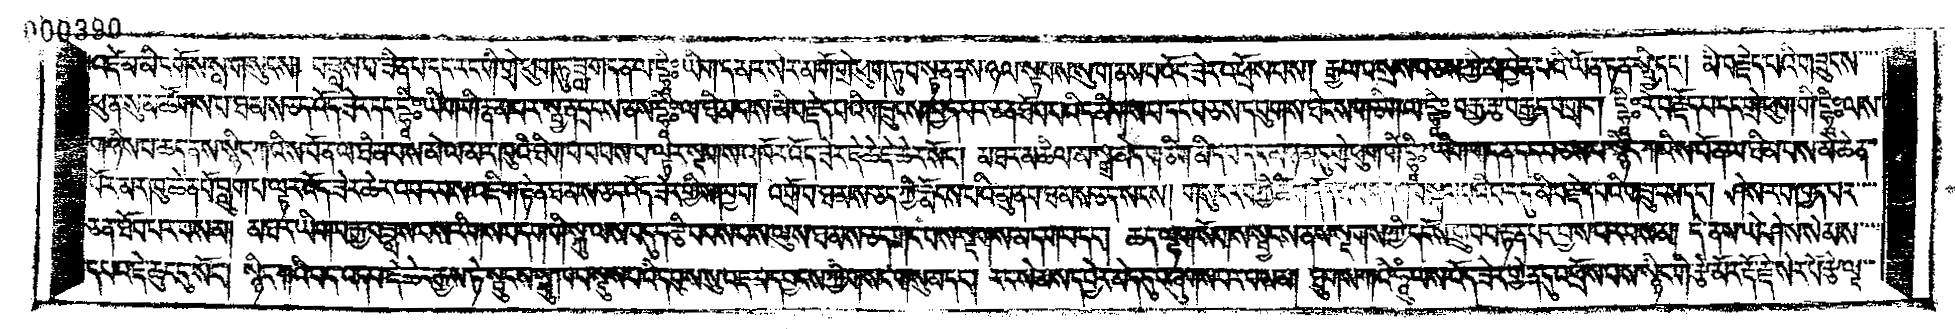འཛེམ་མི་དགོས་སླ་གསུངས། བཟླས་པ་ཟིན་པ་དང་རང་གི་གྲེ་ཕུག་ཏུ་ཟླ་གདན་ལ་དྷཱིཿ ཡིག་དམར་སེར་མགོ་གྲེ་ཕུག་ཏུ་བསྟན་ནས་ཉལ་སྟབས་སུ་གནས་པ་འོད་ཟེར་འཕྲོས་པས། རྒྱལ་བ་སྲས་བཅས་ཀྱི་མཁྱེན་པའི་ཡོན་ཏན་སྤྱི་དང་། མི་བརྗེད་པའི་གཟུངས་
ཕུན་སུམ་ཚོགས་པ་ཐམས་ཅད་འོད་ཟེར་དང་དྷཱིཿ ཡིག་གི་རྣམ་པར་སྤྱན་དྲངས་ནས་དྷཱིཿ ལ་ཐིམ་པས་མི་བརྗེད་པའི་གཟུངས་ཁྱད་པར་ཅན་ཐོབ་པའི་དམིགས་པ་དང་བཅས་དབུགས་ཐེངས་གཅིག་ལ་དྷཱིཿ བརྒྱ་རྩ་བརྒྱད་བགྲང་། དྷཱིཿ རེ་བརྗོད་པ་དང་གྲེ་ཕུག་གི་དྷཱིཿ ལས་
གཉིས་པ་ཆད་ནས་སྙིང་ཀའི་ས་བོན་ལ་ཐིམ་པས་མེ་ལ་མར་ཁུའི་ཐིག་པ་བབས་པ་ལྟར་སྔགས་འཁོར་འོད་ཟེར་ཇེ་ཆེ་ཇེ་ཆེར་སོང་། མཐར་མཆིལ་མ་སྒྲ་མེད་གཅིག་མིད་པ་དང་མཉམ་དུ་གྲེ་ཕུག་གི་དྷཱིཿ ཡིག་གདན་དང་བཅས་པ་སྙིང་ཀའི་ས་བོན་ལ་ཐིམ་པས་མེ་ཆེན་
པོར་མར་ཁུ་ཆེན་པོ་བླུག་པ་ལྟར་འོད་ཟེར་ཆེར་འབར་བས་འཇིག་རྟེན་ཐམས་ཅད་འོད་ཟེར་གྱིས་ཁྱབ། འགྲོ་བ་ཐམས་ཅད་ཀྱི་རྨོངས་པའི་མུན་པ་ཐམས་ཅད་སངས། གསུང་རབ་ཀྱི་ཚིག་དོན་མཐའ་དག་བསྐལ་པའི་བར་དུ་མི་བརྗེད་པའི་གཟུངས་དང་། ཤེས་རབ་ཁྱད་པར་
ཅན་ཐོབ་པར་བསམ། མཐར་ཡིག་བརྒྱ་བཟླས་པས་རིགས་བདག་གི་སྐུ་ལས་བདུད་རྩི་བབས་པས་ལུས་ཐམས་ཅད་གང་བས་སྔགས་མ་དག་པ་དང་། ཆད་ལྷག་སོགས་སྦྱངས་ནས་སྔགས་ཀྱི་དངོས་གྲུབ་བརྟན་པར་བྱས་པར་བསམ། དེ་ནས་ཡེ་ཤེས་སེམས་
དཔའ་ཇེ་ཆུང་དུ་སོང་། སྙིང་ཀའི་པད་འདབ་ཇེ་ཆེར་རྒྱས་ཏེ་སྤུངས་སྐུ་ཁ་བསྡུས་པའི་དབུས་སུ་འཇམ་དབྱངས་ཀྱི་གསང་གསུམ་དང་། རང་སེམས་དབྱེར་མེད་དུ་བཞུགས་པར་བསམ། ཐུགས་ཀའི་ཧཱུཾ་ལས་འོད་ཟེར་གྱེན་དུ་འཕྲོས་པས་སྙིང་གི་རྩེ་མོར་རྡོ་རྗེ་སེར་པོ་རྩེ་ལྔ་